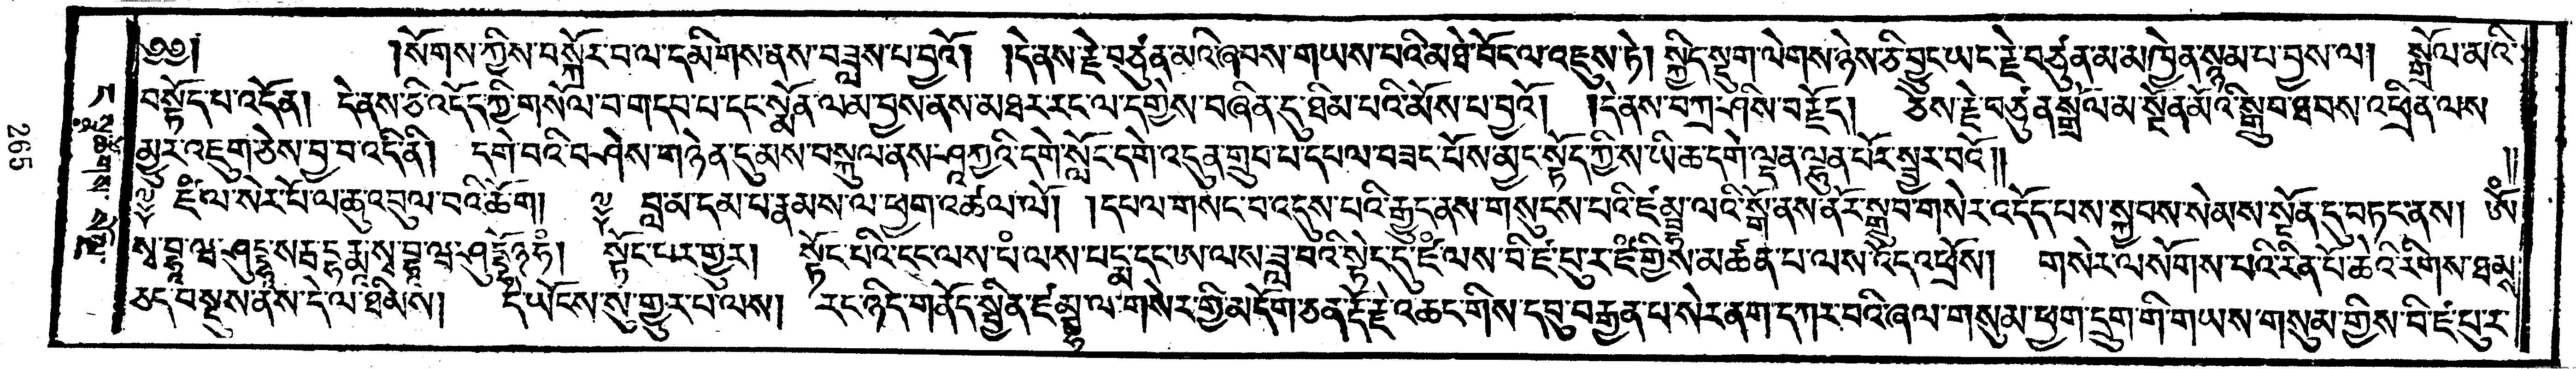༄༅། །སོགས་ཀྱིས་བསྐོར་བ་ལ་དམིགས་ནས་བཟླས་པ་བྱའོ། །དེ་ནས་རྗེ་བཙུན་མའི་ཞབས་གཡས་པའི་མཐེ་བོད་ལ་འཇུས་ཏེ། སྐྱིད་སྡུག་ལེགས་ཉེས་ཅི་བྱུང་ཡང་རྗེ་བཙུན་མ་མཁྱེན་སྙམ་པ་བྱས་ལ། སྒྲོལ་མའི་
བསྟོད་པ་འདོན། དེ་ནས་ཅི་འདོད་ཀྱི་གསོལ་བ་གདབ་པ་དང་སྨོན་ལམ་བྱས་ནས་མཐར་རང་ལ་དགྱེས་བཞིན་དུ་ཐིམ་པའི་མོས་པ་བྱའོ། །དེ་ནས་བཀྲ་ཤི་བརྗོད། ཅེས་རྗེ་བཙུན་སྒྲོལ་མ་སྔོན་མོའི་སྒྲུབ་ཐབས་འཕྲིན་ལས་
མྱུར་འཇུག་ཅེས་བྱ་བ་འདི་ནི། དགེ་བའི་བཤེས་གཉེན་དུ་མས་བསྐུལ་ནས་ཤཱཀྱའི་དགེ་སློང་དགེ་འདུན་གྲུབ་པ་དཔལ་བཟང་པོས་མྱང་སྟོད་ཀྱི་ས་ཡི་ཆ་དགེ་ལྡན་ལྷུན་པོར་སྦྱར་བའོ།། །།
༈ ཛཾ་ལ་སེར་པོ་ལ་ཆུ་འབུལ་བའི་ཆོ་ག། ༈ བླ་མ་དམ་པ་རྣམས་ལ་ཕྱག་འཚལ་ལོ། །དཔལ་གསང་བ་འདུས་པའི་རྒྱུད་ནས་གསུངས་པའི་ཛམྦྷ་ལའི་སྒོ་ནས་ནོར་སྒྲུབ་གསེར་འདོད་པས་སྐྱབས་སེམས་སྔོན་དུ་བཏང་ནས། ཨོཾ་
སྭ་བྷཱ་ཝ་ཤུདྡྷཱ་སརྦ་དྷརྨཱ་སྭ་བྷཱ་ཝ་ཤུདྡྷོཉཧཾ། སྟོང་པར་གྱུར། སྟོང་པའི་དང་ལས་པཾ་ལས་པདམ་དང་ཨ་ལས་ཟླ་བའི་སྟེང་དུ་ཛཾ་ལས་བི་ཛ་པུ་ར་ཛཾ་གྱིས་མཚན་པ་ལས་འོད་འཕྲོས། གསེར་ལ་སོགས་པའི་རིན་པོ་ཆེའི་རིགས་ཐམས་
ཅད་བསྡུས་ནས་དེ་ལ་ཐིམས། དེ་ཡོངས་སུ་གྱུར་པ་ལས། རང་ཉིད་གནོད་སྦྱིན་ཛམྦྷ་ལ་གསེར་གྱི་མདོག་ཅན་རྡོ་རྗེ་འཆང་གིས་དབུ་བརྒྱན་པ་སེར་ནག་དཀར་བའི་ཞལ་གསུམ་ཕྱག་དྲུག་གི་གཡས་གསུམ་གྱིས་བི་ཛ་པུ་ར་